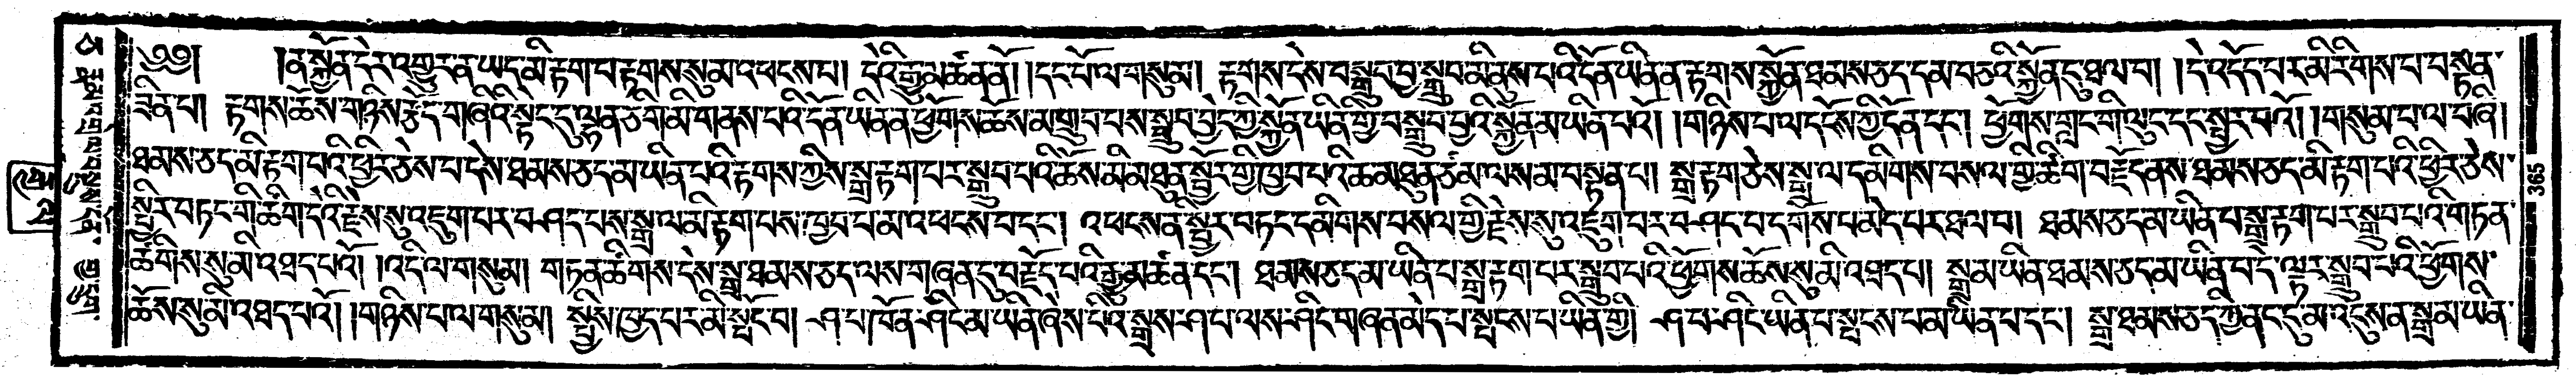༄༅། །ན་སྐྱོན་དེར་འགྱུར་ན་ཡང་མི་རྟག་པ་རྟགས་སུ་མ་འཕངས་པ། དེའི་རྒྱུ་མཚན་ནོ། །དང་པོ་ལ་གསུམ། རྟགས་དེས་བསྒྲུབ་བྱ་སྒྲུབ་མི་ནུས་པའི་དོན་ཡིན་ན་རྟགས་སྐྱོན་ཐམས་ཅད་དམ་བཅའི་སྐྱོན་དུ་ཐལ་བ། །དེ་འདོད་པར་མི་རིགས་པ་བསྟན་
ཟིན་པ། རྟགས་ཆོས་གཉིས་རྩོད་གཞིའི་སྟེང་དུ་ལྷན་ཅིག་མི་གནས་པའི་དོན་ཡིན་ན་ཕྱོགས་ཆོས་མ་གྲུབ་པས་སྒྲུབ་བྱེད་ཀྱི་སྐྱོན་ཡིན་གྱི་བསྒྲུབ་བྱའི་སྐྱོན་མ་ཡིན་པའོ། །གཉིས་པ་ལ་དངོས་ཀྱི་དོན་དང་། ཕྱོགས་གླང་གི་ལུང་དང་སྦྱར་བའོ། །གསུམ་པ་ལ་བཞི།
ཐམས་ཅད་མི་རྟག་པའི་ཕྱིར་ཅེས་པ་དེས་ཐམས་ཅད་མ་ཡིན་པའི་རྟགས་ཀྱིས་སྒྲ་རྟག་པར་སྒྲུབ་པའི་ཆོས་མི་མཐུན་སྦྱོར་གྱི་ཁྱབ་པའི་ཆ་མཐུན་ཙམ་ལས་མ་བསྟན་པ། སྒྲ་རྟག་ཅེས་སྒྲ་ལ་དམིགས་བསལ་གྱི་ཚིག་བརྗོད་ནས་ཐམས་ཅད་མི་རྟག་པའི་ཕྱིར་ཅེས་
སྤྱིར་བཏང་གི་ཚིག་དེའི་རྗེས་སུ་འཇུག་པར་བཤད་པས་སྒྲ་ལ་མི་རྟག་པས་ཁྱབ་པ་མ་འཕངས་པ་དང་། འཕངས་ན་སྤྱིར་བཏང་དམིགས་བསལ་གྱི་རྗེས་སུ་འཇུག་པར་བཤད་པ་དགོས་པ་མེད་པར་ཐལ་བ། ཐམས་ཅད་མ་ཡིན་པ་སྒྲ་རྟག་པར་སྒྲུབ་པའི་གཏན་
ཚིགས་སུ་མི་འཐད་པའོ། །འདི་ལ་གསུམ། གཏན་ཚིགས་དེས་སྒྲ་ཐམས་ཅད་ལས་གཞན་དུ་བརྗོད་པའི་རྒྱུ་མཚན་དང་། ཐམས་ཅད་མ་ཡིན་པ་སྒྲ་རྟག་པར་སྒྲུབ་པའི་ཕྱོགས་ཆོས་སུ་མི་འཐད་པ། སྒྲ་མ་ཡིན་ཐམས་ཅད་མ་ཡིན་པ་དེ་ལྟར་སྒྲུབ་པའི་ཕྱོགས་
ཆོས་སུ་མི་འཐད་པའོ། །གཉིས་པ་ལ་གསུམ། སྤྱིས་ཁྱད་པར་མི་སྤོང་བ། ཤ་པ་ཁོ་ན་ཤིང་མ་ཡིན་ཞེས་པའི་སྒྲས་ཤ་པ་ལས་ཤིང་གཞན་མེད་པ་སྤངས་པ་ཡིན་གྱི། ཤ་པ་ཤིང་ཡིན་པ་སྤངས་པ་མ་ཡིན་པ་དང་། སྒྲ་ཐམས་ཅད་ཀྱི་ནང་དུ་མ་འདུས་ན་སྒྲ་མ་ཡིན་